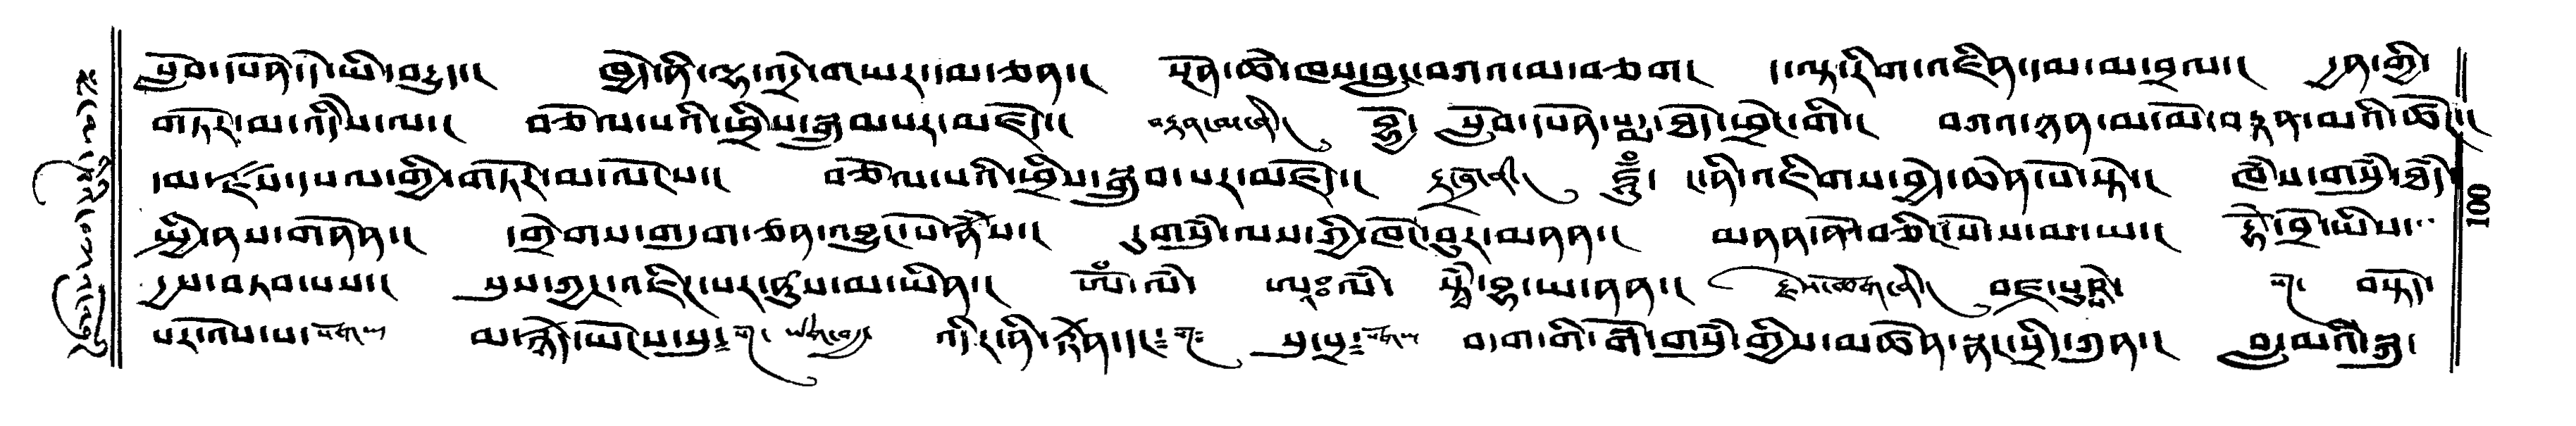སློབ་དཔོན་དེ་ཡི་བརྒྱུད། ཁྱོད་ནི་ལྷ་འདྲེ་གཡར་དམ་ཅན། །སྔོན་ཚེ་ཁས་བླངས་བཀའ་མ་བཅག །ད་ལྟ་རིག་འཛིན་དམ་མ་བྲལ། །རྒྱན་གྱི་
གཏོར་མ་འདི་བཞཻས་ལ། །བཅོལ་པའི་ཕྲིན་ལས་སྒྲུབ་པར་མཛོད། བརྟན་མ་ནི། བྷྱོ། སློབ་དཔོན་པདྨ་ཐོད་ཕྲེང་གི །བཀའ་ཉན་མ་མོ་བརྟན་མའི་ཚོགས། །
དམ་རྫས་དཔལ་གྱི་གཏོར་མ་ལོངས། །བཅོལ་པའི་ཕྲིན་ལས་སྒྲུབ་པར་མཛོད། རྟ་བྲོ་ནི། ཧཱུྃ། ང་ནི་འཇིགས་བྱེད་ཆེན་པོ་སྟེ། ཁམས་གསུམ་ཐམས་ཅད་
སྤྱི་ནས་གནོན། །དགྲ་བགེགས་གདུག་ཅན་འབྱུང་པོ་རྣམས། །དུག་གསུམ་ལས་ཀྱི་ཁོང་བུར་མནན། མནན་ནོ་བཅིངས་སོ་ས་མ་ཡ། །རྡོ་རྗེ་བྲོ་ཡིས་
རྒྱས་བཏབ་པས། །སུས་ཀྱང་འཇིག་པར་ནུས་མ་ཡིན། ཨོཾ་ལམ། ཨཱཿལམ། ཧཱུྃ་ལམ། སྟྭམ་བྷ་ཡ་ནན། རྗེས་ཆོག་ནི། བཛྲ་པུཥྤེ༴ སོགས། བསྟོད་
པར་འོས་པ༴ སོགས། མ་རྙེད་ཡོངས་སུ༴ སོགས། ཡིག་བརྒྱ། འདིར་ནི་རྟེན་དང༴ སོགས། སུ་པྲ༴ སོགས། བདག་གི་སྒོ་གསུམ་གྱིས་མཚོན་སྣང་སྲིད་ཀུན། །བླ་མའི་སྐུ་